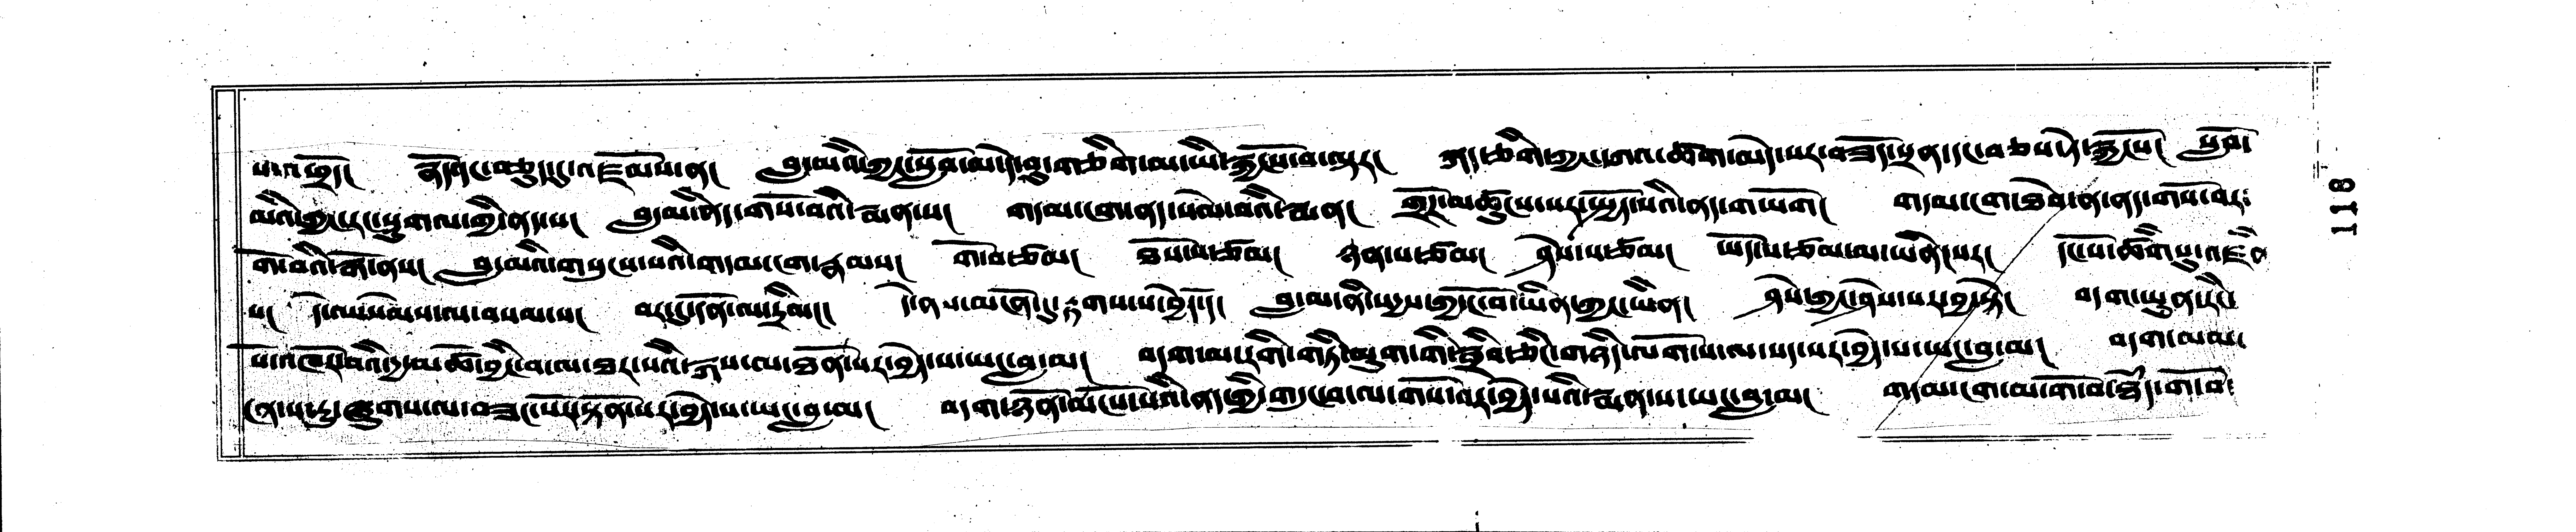པ་འཕྲོད། སྣོད་དང་བཅུད་དུ་འཛོམས་ན།བླ་མའི་ཀྱང་སློབ་མ་དེ་བུ་གཅིག་མ་ཡིས་སྐྱོང་བ་ལྟར། སྐད་ཅིག་ཀྱང་དཀའ་ཚེག་མེད་པར་བཟོད་བསྲན་དང་བཅས་ཏེ་སྐྱོང་། སློབ་
མས་ཀྱང་རང་སྡུག་བསྔལ་གྱི་ནད་པ། བླ་མ་ནི་ནད་གསོ་བའི་སྨན་པ། གདམ་ངག་ནད་སེལ་བའི་སྨན། གྲོགས་མཚུངས་པར་སྤྱོད་པ་ནད་གཡོག གདམ་ངག་ཐེབ་ན་ནད་གསོ་བར་
གོ་བའི་སྒོ་ནས། བླ་མས་གསུངས་པའི་གདམས་ངག་རྣམས། གོ་བ་ཙམ། ཐོས་པ་ཙམ། ཉན་པ་ཙམ། ཤེས་པ་ཙམ། ཡོད་པ་ཙམ་མ་ཡིན་པར་དང་པོ་ཚིག་ཏུ་འཛིན་
པ། དེ་ལ་སེམས་སུ་བསམ་པ། བར་དུ་དོན་ལ་དྲིལ། དེ་ནས་མངོན་དུ་བརྟགས་པ་བྱེད་དོ། །བླ་མ་ནི་སངས་རྒྱས་ཀྱི་ངོ་བོ་ཡིན་ཀྱང་ཡིན། ཤེས་ཀྱང་ཤེས་པར་བྱ་སྟེ། བདག་ཡུན་རིང་
པོ་འཁོར་བའི་རྒྱ་མཚོར་བྱིངས་པ་ལ་ཐར་པའི་སྐས་ལ་ཐོན་པར་བྱེད་པ་ཡང་བླ་མ། བདག་མ་རིག་གཏི་མུག་གིས་བསྒྲིབས་ཤིང་གཉིད་ལོག་པ་ལ་སད་པར་བྱེད་པ་ཡང་བླ་མ། བདག་ལམ་
ངན་པ་རུ་ཞུགས་ལ་བཟང་པོར་སྟོན་པར་བྱེད་པ་ཡང་བླ་མ། བདག་ཉོན་མོངས་པའི་ནད་ཀྱིས་གདུང་བ་ལ་གསོ་བར་བྱེད་པའི་སྨན་པ་ཡང་བླ་མ། གདམ་ངག་མ་གོ་བ་ཐམས་ཅད་གོ་བ།